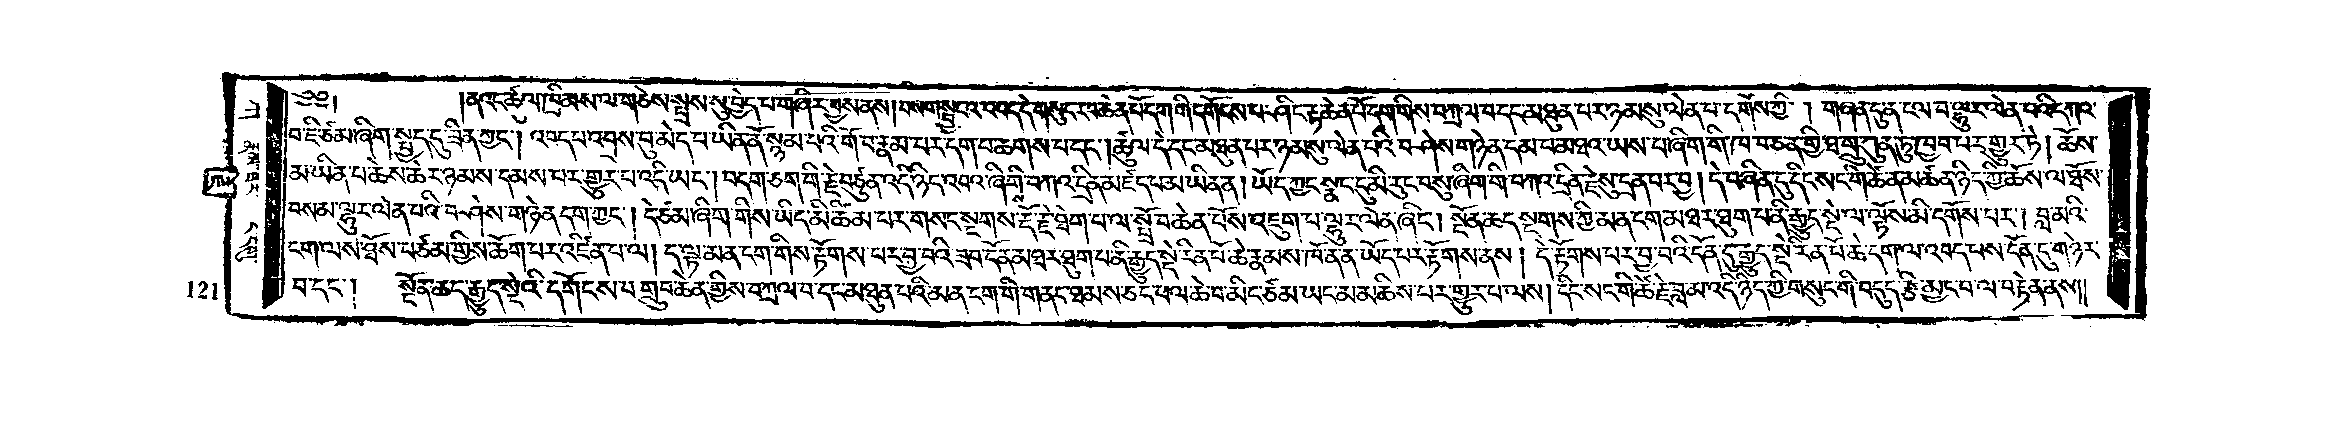༄༅། །ནའང་ཚུལ་ཁྲིམས་ལ་གཅེས་སྤྲས་སུ་བྱེད་པ་གཞིར་བྱས་ནས། བསག་སྦྱང་འབད་དེ་གསུང་རབ་ཆེན་པོ་དག་གི་དགོངས་པ་ཤིང་རྟ་ཆེན་པོ་དག་གིས་བཀྲལ་བ་དང་མཐུན་པར་ཉམས་སུ་ལེན་པ་དགོས་ཀྱི། གཞན་དུ་ན་ངལ་བ་ལྷུར་ལེན་པའི་དཀའ་
བ་ཇི་ཙམ་ཞིག་སྤྱད་དུ་ཟིན་ཀྱང་། འབད་པ་འབྲས་བུ་མེད་པ་ཡིན་ནོ་སྙམ་པའི་གོ་བ་རྣམ་པར་དག་པ་ཆགས་པ་དང་། ཚུལ་དེ་དང་མཐུན་པར་ཉམས་སུ་ལེན་པའི་བཤེས་གཉེན་དམ་པ་མཐའ་ཡས་པ་ཞིག་གི་ཁ་བ་ཅན་གྱི་ཐ་གྲུ་ཀུན་ཏུ་ཁྱབ་པར་གྱུར་ཏེ། ཆོས་
མ་ཡིན་པ་ཆེས་ཆེར་ཉམས་དམས་པར་གྱུར་པ་འདི་ཡང་། བདག་ཅག་གི་རྗེ་བཙུན་འདི་ཉིད་འབའ་ཞིག་གིས་བཀའ་དྲིན་མཛད་པ་མ་ཡིན་ན། ཡོད་ཀྱང་སྣང་དུ་མི་རུང་བསུ་ཞིག་གི་བཀའ་དྲིན་རྗེས་སུ་དྲན་པར་བྱ། དེ་བཞིན་དུ་དིང་སང་གི་ཚེ་ན་མཚན་ཉིད་ཀྱི་ཆོས་ལ་ཐོས་
བསམ་ལྷུར་ལེན་པའི་བཤེས་གཉེན་དག་ཀྱང་། དེ་ཙམ་ཞིག་གིས་ཡིད་མི་ཚིམ་པར་གསང་སྔགས་རྡོ་རྗེ་ཐེག་པ་ལ་སྤྲོ་བ་ཆེན་པོས་འཇུག་པ་ལྷུར་ལེན་ཞིང་། སྔོན་ཆད་སྔགས་ཀྱི་མན་ངག་མཐར་ཐུག་པ་ནི་རྒྱུད་སྡེ་ལ་ལྟོས་མི་དགོས་པར། བླ་མའི་
ངག་ལས་ཐོས་པ་ཙམ་གྱིས་ཆོག་པར་འཛིན་པ་ལ། ད་ལྟ་མན་ངག་གིས་རྟོགས་པར་བྱ་བའི་ཟབ་དོན་མཐར་ཐུག་པ་ནི་རྒྱུད་སྡེ་རིན་པོ་ཆེ་རྣམས་ཁོ་ན་ན་ཡོད་པར་རྟོགས་ནས། དེ་རྟོགས་པར་བྱ་བའི་དོན་དུ་རྒྱུད་སྡེ་རིན་པོ་ཆེ་དག་ལ་འབད་པས་དོན་དུ་གཉེར་
བ་དང་། སྔོན་ཆད་རྒྱུད་སྡེའི་དགོངས་པ་གྲུབ་ཆེན་གྱིས་བཀྲལ་བ་དང་མཐུན་པའི་མན་ངག་གི་གནང་ཐམས་ཅད་ཕལ་ཆེ་བ་མིང་ཙམ་ཡང་མ་མཆིས་པར་གྱུར་པ་ལས། དིང་སང་གི་ཚེ་རྗེ་བླ་མ་འདི་ཉིད་ཀྱི་གསུང་གི་བདུད་རྩི་མྱང་བ་ལ་བརྟེན་ནས།།